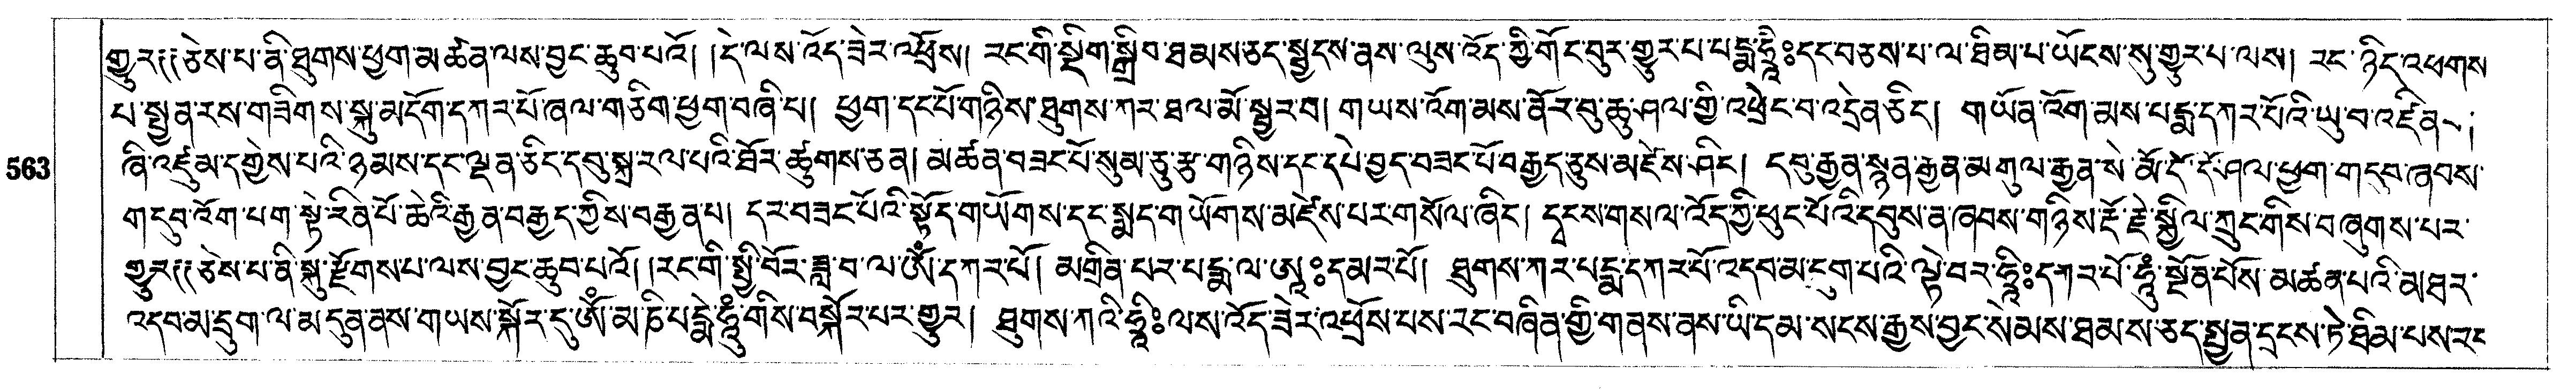གྱུར༑ ༑ཅེས་པ་ནི་ཐུགས་ཕྱག་མཚན་ལས་བྱང་ཆུབ་པའོ། །དེ་ལས་འོད་ཟེར་འཕྲོས། རང་གི་སྡིག་སྒྲིབ་ཐམས་ཅད་སྦྱངས་ནས་ལུས་འོད་ཀྱི་གོང་བུར་གྱུར་པ་པདམ་ཧྲཱིཿ དང་བཅས་པ་ལ་ཐིམ་པ་ཡོངས་སུ་གྱུར་པ་ལས། རང་ཉིད་འཕགས་
པ་སྤྱན་རས་གཟིགས་སྐུ་མདོག་དཀར་པོ་ཞལ་གཅིག་ཕྱག་བཞི་པ། ཕྱག་དང་པོ་གཉིས་ཐུགས་ཀར་ཐལ་མོ་སྦྱར་བ། གཡས་འོག་མས་ནོར་བུ་ཆུ་ཤལ་གྱི་འཕྲེང་བ་འདྲེན་ཅིང་། གཡོན་འོག་མས་པདམ་དཀར་པོའི་ཡུ་བ་འཛིན་པ།
ཞི་འཛུམ་དགྱེས་པའི་ཉམས་དང་ལྡན་ཅིང་དབུ་སྐྲ་རལ་པའི་ཐོར་ཚུགས་ཅན། མཚན་བཟང་པོ་སུམ་ཅུ་རྩ་གཉིས་དང་དཔེ་བྱད་བཟང་པོ་བརྒྱད་ཅུས་མཛེས་ཤིང་། དབུ་རྒྱན་སྙན་རྒྱན་མགུལ་རྒྱན་སེ་མོ་དོ་དོ་ཤལ་ཕྱག་གདུབ་ཞབས་
གདུབ་འོག་པག་སྟེ་རིན་པོ་ཆེའི་རྒྱན་བརྒྱད་ཀྱིས་བརྒྱན་པ། དར་བཟང་པོའི་སྟོད་གཡོགས་དང་སྨད་གཡོགས་མཛེས་པར་གསོལ་ཞིང་། དྭངས་གསལ་འོད་ཀྱི་ཕུང་པོའི་དབུས་ན་ཞབས་གཉིས་རྡོ་རྗེ་སྐྱིལ་ཀྲུང་གིས་བཞུགས་པར་
གྱུར༑ ༑ཅེས་པ་ནི་སྐུ་རྫོགས་པ་ལས་བྱང་ཆུབ་པའོ། །རང་གི་སྤྱི་བོར་ཟླ་བ་ལ་ཨོཾ་དཀར་པོ། མགྲིན་པར་པདམ་ལ་ཨཱཿ དམར་པོ། ཐུགས་ཀར་པདམ་དཀར་པོ་འདབ་མ་དུག་པའི་ལྟེ་བར་ཧྲཱིཿ དཀར་པོ་ཧཱུཾ་སྔོན་པོས་མཚན་པའི་མཐར་
འདབ་མ་དྲུག་ལ་མདུན་ནས་གཡས་སྐོར་དུ་ཨོཾ་མ་ཎི་པདམེ་ཧཱུཾ་གིས་བསྐོར་པར་གྱུར། ཐུགས་ཀའི་ཧྲཱིཿ ལས་འོད་ཟེར་འཕྲོས་པས་རང་བཞིན་གྱི་གནས་ནས་ཡི་དམ་སངས་རྒྱས་བྱང་སེམས་ཐམས་ཅད་སྤྱན་དྲངས་ཏེ་ཐིམ་པས་རང་